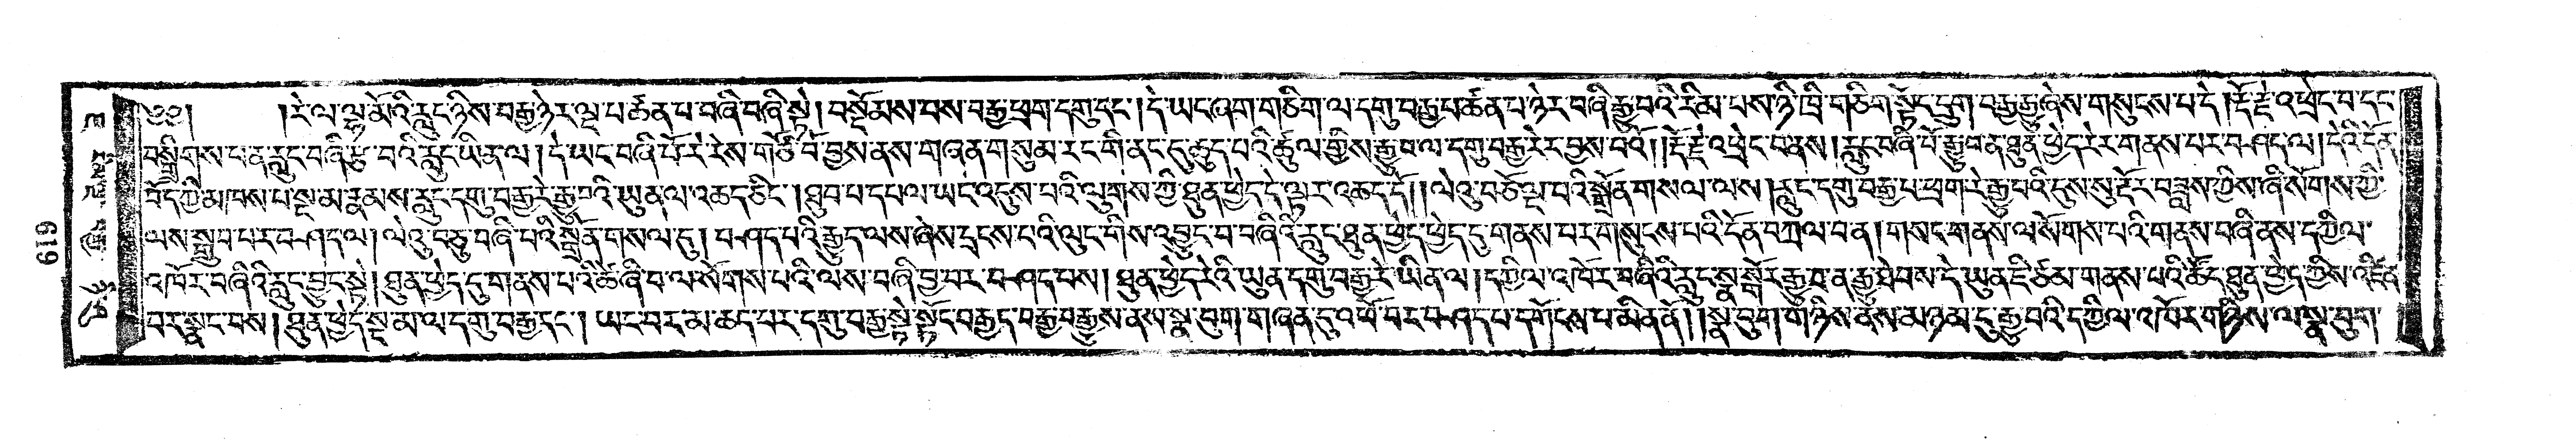༄༅། །རེ་ལ་ལྷ་མོའི་རླུང་ཉིས་བརྒྱ་ཉེར་ལྔ་པ་ཚན་པ་བཞི་བཞི་སྟེ། བསྡོམས་པས་བརྒྱ་ཕྲག་དགུ་དང་། དེ་ཡང་ཞག་གཅིག་ལ་དགུ་བརྒྱ་པ་ཚན་པ་ཉེར་བཞི་རྒྱུ་བའི་རིམ་པས་ཉི་ཁྲི་གཅིག་སྟོང་དྲུག་བརྒྱ་ཞེས་གསུངས་པ་དེ། རྡོ་རྗེ་འཕྲེང་བ་དང་
བསྒྲིགས་པ་ན་རླུང་བཞི་རྩ་བའི་རླུང་ཡིན་ལ། དེ་ཡང་བཞི་པོ་རེ་རེས་གཙོ་བོ་བྱས་ནས་གཞན་གསུམ་རང་གི་ནང་དུ་ཆུད་པའི་ཚུལ་གྱིས་རྒྱུ་བ་ལ་དགུ་བརྒྱ་རེར་བྱས་པའོ། །རྡོ་རྗེ་འཕྲེང་བ་ནས། རླུང་བཞི་པོ་རྒྱུ་བ་ན་ཐུན་ཕྱེད་རེར་གནས་པར་བཤད་ལ། དེའི་དོན་
བོད་ཀྱི་མཁས་པ་སྔ་མ་རྣམས་རླུང་དགུ་བརྒྱ་རེ་རྒྱུ་བའི་ཡུན་ལ་འཆད་ཅིང་། ཐུབ་པ་དཔལ་ཡང་འདུས་པའི་ལུགས་ཀྱི་ཐུན་ཕྱེད་དེ་ལྟར་འཆད་དོ། །ལེའུ་བཅོ་ལྔ་པའི་སྒྲོན་གསལ་ལས། རླུང་དགུ་བརྒྱ་པ་ཕྲག་རེ་རྒྱུ་བའི་དུས་སུ་རྡོར་བཟླས་ཀྱིས་ཞི་སོགས་ཀྱི་
ལས་སྒྲུབ་པར་བཤད་ལ། ལེའུ་བཅུ་བཞི་པའི་སྒྲོན་གསལ་དུ། བཤད་པའི་རྒྱུད་ལས་ཞེས་དྲངས་པའི་ལུང་གིས་འབྱུང་བ་བཞིའི་རླུང་ཐུན་ཕྱེད་ཕྱེད་དུ་གནས་པར་གསུངས་པའི་དོན་བཀྲལ་བ་ན། གསང་གནས་ལ་སོགས་པའི་གནས་བཞི་ནས་དཀྱིལ་
འཁོར་བཞིའི་རླུང་བྱུང་སྟེ། ཐུན་ཕྱེད་དུ་གནས་པའི་ཚེ་ཞི་བ་ལ་སོགས་པའི་ལས་བཞི་བྱ་བར་བཤད་པས། ཐུན་ཕྱེད་རེའི་ཡུན་དགུ་བརྒྱ་རེ་ཡིན་ལ། དཀྱིལ་འཁོར་བཞིའི་རླུང་སྣ་སྒོར་རྒྱུ་བ་ན་རྒྱུ་ཐེབས་དེ་ཡུན་ཇི་ཙམ་གནས་པའི་ཆང་ཐུན་ཕྱེད་ཀྱིས་འཛིན་
པར་སྣང་བས། ཐུན་ཕྱེད་སྔ་མ་ལ་དགུ་བརྒྱ་དང་། ཡང་བར་མ་ཆད་པར་དགུ་བརྒྱ་སྟེས་སྟོང་བརྒྱད་བརྒྱ་བརྒྱུས་ནས་སྣ་བུག་གཞན་དུ་འཕོ་བར་བཤད་པ་དགོངས་པ་མིན་ནོ། །སྣ་བུག་གཉིས་ནས་མཉམ་དུ་རྒྱུ་བའི་དཀྱིལ་འཁོར་གཉིས་ལ་སྣ་བུག་